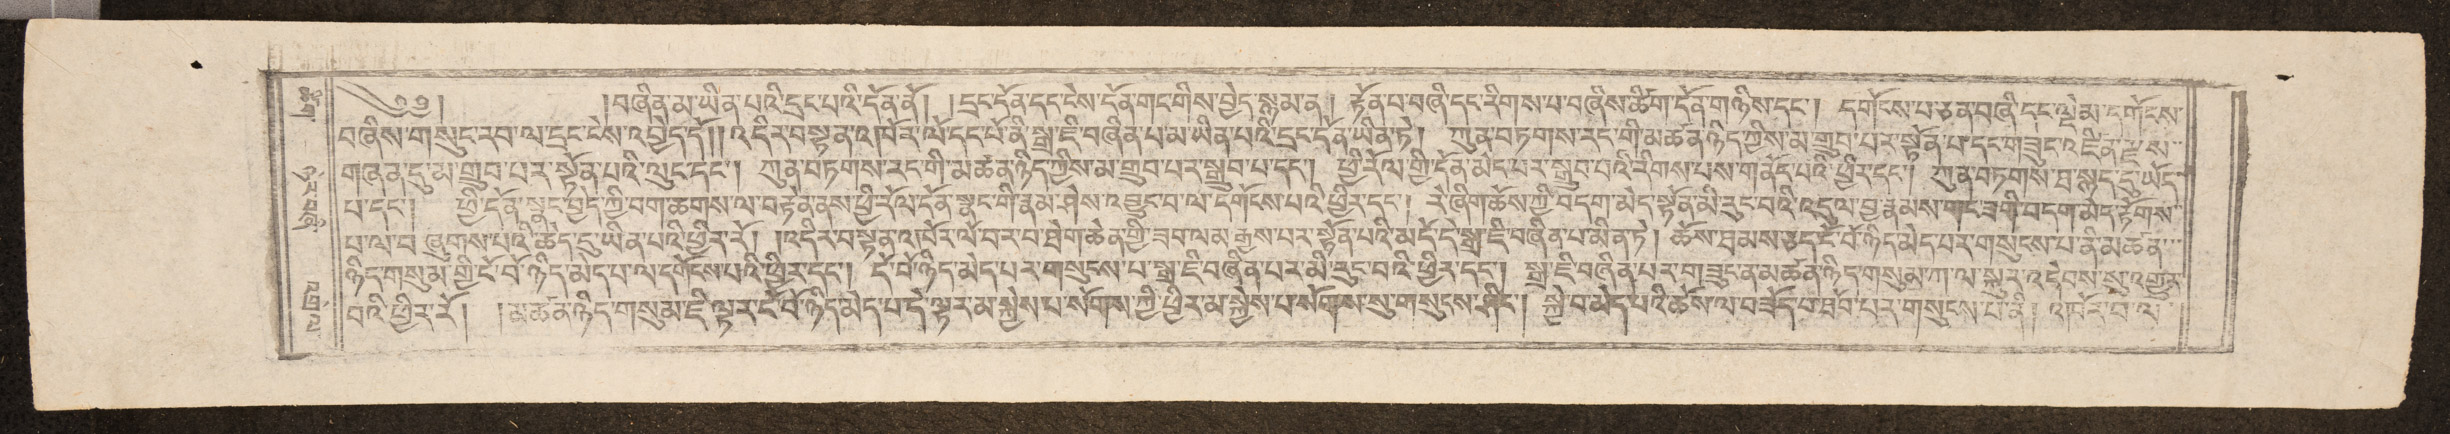༄༅། །བཞིན་མ་ཡིན་པའི་དྲང་པའི་དོན་ནོ། །དྲང་དོན་དང་ངེས་དོན་གང་གིས་བྱེད་སྙམ་ན། རྟོན་པ་བཞི་དང་རིགས་པ་བཞིས་ཚིག་དོན་གཉིས་དང་། དགོངས་པ་ཅན་བཞི་དང་ལྡེམ་དགོངས་
བཞིས་གསུང་རབ་ལ་དྲང་ངེས་འབྱེད་དོ།། འདིར་བསྟན་འཁོར་ལོ་དང་པོ་ནི་སྒྲ་ཇི་བཞིན་པ་མ་ཡིན་པའི་དྲང་དོན་ཡིན་ཏེ། ཀུན་བཏགས་རང་གི་མཚན་ཉིད་ཀྱིས་མ་གྲུབ་པར་སྟོན་པ་དང་གཟུང་འཛིན་རྫས་
གཞན་དུ་མ་གྲུབ་པར་སྟོན་པའི་ལུང་དང་། ཀུན་བཏགས་རང་གི་མཚན་ཉིད་ཀྱིས་མ་གྲུབ་པར་སྒྲུབ་པ་དང་། ཕྱི་རོལ་གྱི་དོན་མེད་པར་སྒྲུབ་པའི་རིགས་པས་གནོད་པའི་ཕྱིར་དང་། ཀུན་བཏགས་ཐ་སྙད་དུ་ཡོད་
པ་དང་། ཕྱི་དོན་སྣང་བྱེད་ཀྱི་བག་ཆགས་ལ་བརྟེན་ནས་ཕྱི་རོལ་དོན་སྣང་གི་རྣམ་ཤེས་འབྱུང་བ་ལ་དགོངས་པའི་ཕྱིར་དང་། རེ་ཞིག་ཆོས་ཀྱི་བདག་མེད་སྟོན་མི་རུང་བའི་འདུལ་བྱ་རྣམས་གང་ཟག་གི་བདག་མེད་རྟོགས་
པ་ལ་བཞུགས་པའི་ཆེད་དུ་ཡིན་པའི་ཕྱིར་རོ། །འདིར་བསྟན་འཁོར་ལོ་བར་བ་ཐེག་ཆེན་གྱི་ཟབ་ལམ་རྒྱས་པར་སྟོན་པའི་མདོ་དེ་སྒྲ་ཇི་བཞིན་པ་མིན་ཏེ། ཆོས་ཐམས་ཅད་ངོ་བོ་ཉིད་མེད་པར་གསུངས་པ་ནི་མཚན་
ཉིད་གསུམ་གྱི་ངོ་བོ་ཉིད་མེད་པ་ལ་དགོངས་པའི་ཕྱིར་དང་། ངོ་བོ་ཉིད་མེད་པར་གསུངས་པ་སྒྲ་ཇི་བཞིན་པར་མི་རུང་བའི་ཕྱིར་དང་། སྒྲ་ཇི་བཞིན་པར་གཟུང་ན་མཚན་ཉིད་གསུམ་ཀ་ལ་སྐུར་འདེབས་སུ་འགྱུར་
བའི་ཕྱིར་རོ། །མཚན་ཉིད་གསུམ་ཇི་ལྟར་ངོ་བོ་ཉིད་མེད་པ་དེ་ལྟར་མ་སྐྱེས་པ་སོགས་ཀྱི་ཕྱིར་མ་སྐྱེས་པ་སོགས་སུ་གསུངས་ཤིང་། སྐྱེ་བ་མེད་པའི་ཆོས་ལ་བཟོད་པ་ཐོབ་པར་གསུངས་པ་ནི། འཁོར་བ་ལ་